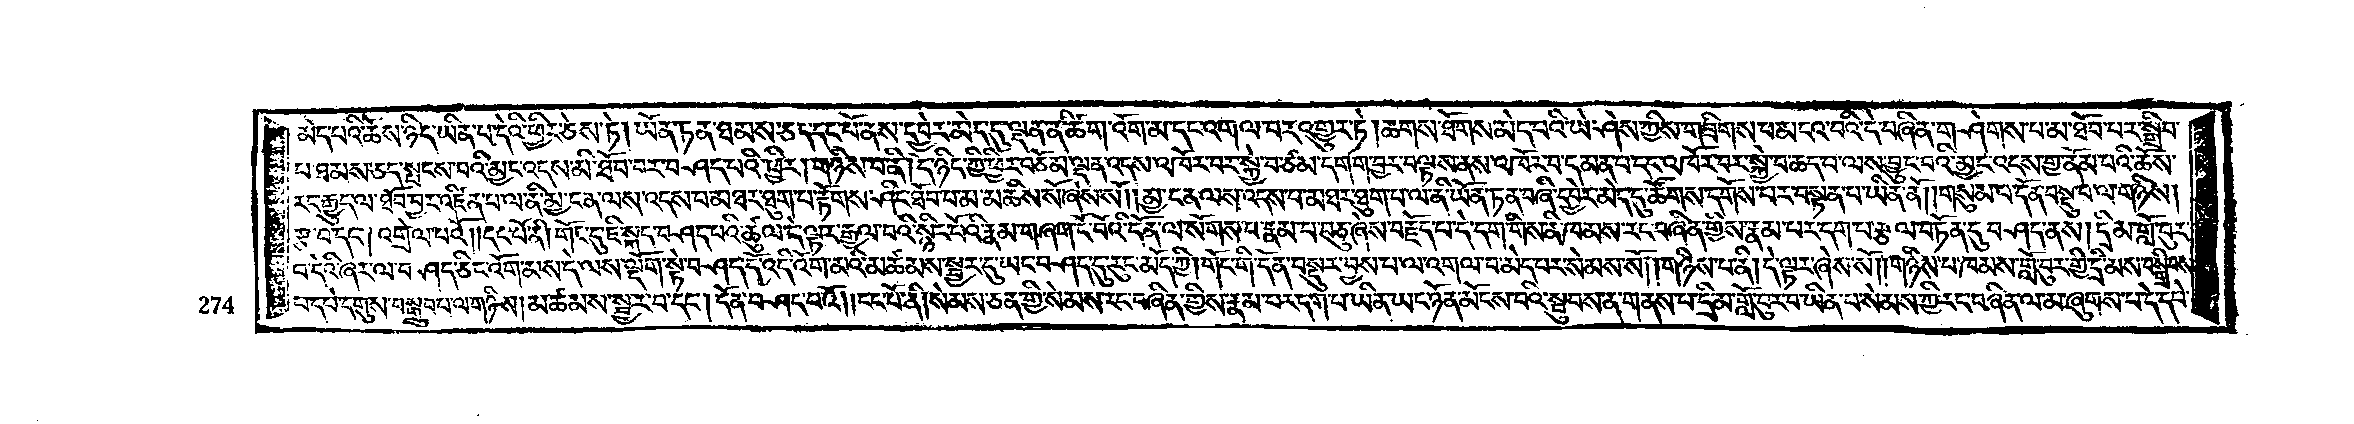མེད་པའི་ཆོས་ཉིད་ཡིན་པ་དེའི་ཕྱིར་ཅེས་ཏེ། ཡོན་ཏན་ཐམས་ཅད་དང་པོ་ནས་དབྱེར་མེད་དུ་ལྡན་ན་ཚིག་འོག་མ་དང་འགལ་བར་འགྱུར་ཏེ། ཆགས་ཐོགས་མེད་པའི་ཡེ་ཤེས་ཀྱིས་གཟིགས་པ་མངའ་བའི་དེ་བཞིན་གཤེགས་པ་མ་ཐོབ་པར་སྒྲིབ་
པ་ཐམས་ཅད་སྤངས་པའི་མྱང་འདས་མི་ཐོབ་པར་བཤད་པའི་ཕྱིར། གཉིས་པ་ནི། དེ་ཉིད་ཀྱི་ཕྱིར་བཅོམ་ལྡན་འདས་འཁོར་བར་སྐྱེ་བ་ཙམ་དགག་བྱར་བལྟས་ནས་འཁོར་བ་དམན་པ་དང་འཁོར་བར་སྐྱེ་བ་ཆད་པ་ལས་བྱུང་བའི་མྱང་འདས་གྱི་ནོམ་པའི་ཆོས་
རང་རྒྱུད་ལ་ཐོབ་བྱར་འཛིན་པ་ལ་ནི་མྱ་ངན་ལས་འདས་པ་མཐར་ཐུག་པ་རྟོགས་ཤིང་ཐོབ་པ་མ་མཆིས་སོ་ཞེས་སོ། །མྱ་ངན་ལས་འདས་པ་མཐར་ཐུག་པ་ལ་ནི་ཡོན་ཏན་བཞི་དབྱེར་མེད་དུ་ཚོགས་དགོས་པར་བསྟན་པ་ཡིན་ནོ། །གསུམ་པ་དོན་བསྡུ་བ་ལ་གཉིས།
རྩ་བ་དང་། འགྲེལ་པའོ། །དང་པོ་ནི། གོང་དུ་ཇི་སྐད་བཤད་པའི་ཚུལ་དེ་ལྟར་རྒྱལ་བའི་སྙིང་པོའི་རྣམ་གཞག་ངོ་བོའི་དོན་ལ་སོགས་པ་རྣམ་པ་བཅུ་ཞེས་བརྗོད་པ་དེ་དག་གིས་ནི་ཁམས་རང་བཞིན་གྱིས་རྣམ་པར་དག་པ་རྩལ་བཏོན་དུ་བཤད་ནས། དྲི་མ་གློ་བུར་
བ་དེའི་ཞར་ལ་བཤད་ཅིང་འོག་མས་དེ་ལས་ལྡོག་སྟེ་བཤད་དོ་འདི་འོག་མའི་མཚམས་སྦྱར་དུ་ཡང་བཤད་དུ་རུང་མོད་ཀྱི། གོང་གི་དོན་བསྡུར་བྱས་པ་ལ་འགལ་བ་མེད་པར་སེམས་སོ། །གཉིས་པ་ནི། དེ་ལྟར་ཞེས་སོ། །གཉིས་པ་ཁམས་གློ་བུར་གྱི་དྲི་མས་བསྒྲིབས་
པ་དཔེ་དགུས་བསྒྲུབ་པ་ལ་གཉིས། མཚམས་སྦྱར་བ་དང་། དོན་བཤད་པའོ། །དང་པོ་ནི། སེམས་ཅན་གྱི་སེམས་རང་བཞིན་གྱིས་རྣམ་པར་དག་པ་ཡིན་ཡང་ཉོན་མོངས་པའི་སྦུབས་ན་གནས་པ་དྲི་མ་གློ་བུར་བ་ཡིན་པ་སེམས་ཀྱི་རང་བཞིན་ལ་མ་ཞུགས་པ་དེ་དཔེ་